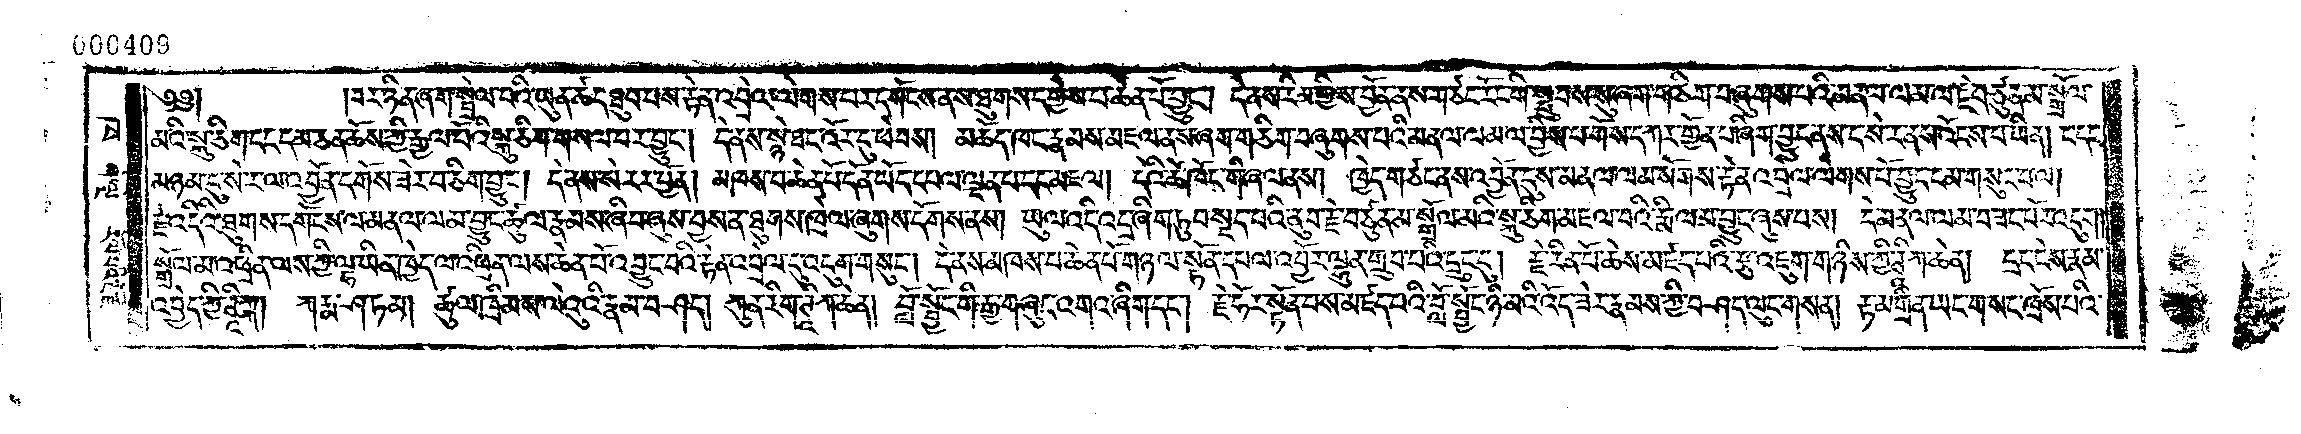༄༅། །བར་ཉིན་ཞག་སྦྲེལ་བའི་ཡུན་ཚད་ཐུབ་པས་རྟེན་འབྲེལ་ལེགས་པར་དགོངས་ནས་ཐུགས་དགྱེས་པ་ཆེན་པོ་བྱུང་། དེ་ནས་རིམ་གྱིས་བྱོན་ནས་གཙང་རོང་གི་སྤུབས་སུ་ཞག་གཅིག་བཞུགས་པའི་མནལ་ལམ་ལ་རྗེ་བཙུན་མ་སྒྲོལ་
མའི་སྐུ་ཅིག་དང་དམ་ཅན་ཆོས་ཀྱི་རྒྱལ་པོའི་སྐུ་ཅིག་གསལ་བར་བྱུང་། དེ་ནས་སྙེ་ཐང་འོར་དུ་ཕེབས། མཆོད་ཁང་རྣམས་མཇལ་ནས་ཞག་གཅིག་བཞུགས་པའི་མནལ་ལམ་ལ་བྱིས་པ་གོས་དཀར་གྱོན་པ་ཞིག་བྱུང་ནས་ད་སེ་ར་ནས་འོངས་པ་ཡིན། ང་དང་
མཉམ་དུ་སེ་ར་ལ་འབྱོན་དགོས་ཟེར་བ་ཅིག་བྱུང་། དེ་ནས་སེ་རར་བྱོན། མཁས་པ་ཆེན་པོ་དོན་ཡོད་དཔལ་ལྡན་པ་དང་མཇལ། དེའི་ཚེ་ཁོང་གི་ཞལ་ནས། ཁྱེད་གཙང་ནས་འབྱོན་དུས་མནལ་ལམ་སོགས་རྟེན་འབྲེལ་ལེགས་པོ་བྱུང་ངམ་གསུང་བ་ལ།
རྗེ་འདིའི་ཐུགས་དགོངས་ལ་མནལ་ལམ་བྱུང་ཚུལ་རྣམས་ཞིབ་ཞུས་བྱས་ན་ཐུགས་ཁྲེལ་ཞུགས་དོགས་ནས། ཡུལ་འདི་འདྲ་ཞིག་ཏུ་བསྡད་པའི་ནུབ་རྗེ་བཙུན་མ་སྒྲོལ་མའི་སྐུ་ཅིག་མཇལ་བའི་རྨི་ལམ་བྱུང་ཞུས་པས། དེ་མནལ་ལམ་བཟང་པོར་འདུག།
སྒྲོལ་མ་འཕྲིན་ལས་ཀྱི་ལྷ་ཡིན་ཁྱེད་ལ་འཕྲིན་ལས་ཆེན་པོ་འབྱུང་བའི་རྟེན་འབྲེལ་དུ་འདུག་གསུང་། དེ་ནས་མཁས་པ་ཆེན་པོ་གཉལ་སྟོན་དཔལ་འབྱོར་ལྷུན་གྲུབ་པའི་དྲུང་དུ། རྗེ་རིན་པོ་ཆེས་མཛད་པའི་རྩ་འཇུག་གཉིས་ཀྱི་ཊཱིཀ་ཆེན། དྲང་ངེས་རྣམ་
འབྱེད་ཀྱི་ཊཱིཀྐ། ཀརྨ་ཤ་ཏམ། ཚུལ་ཁྲིམས་ལེའུའི་རྣམ་བཤད། ཀུན་རིག་ཊཱིཀ་ཆེན། བློ་སྦྱོང་གི་རྒྱ་གཞུང་འགའ་ཞིག་དང་། རྗེ་ཧོར་སྟོན་པས་མཛད་པའི་བློ་སྦྱོང་ཉི་མའི་འོད་ཟེར་རྣམས་ཀྱི་བཤད་ལུང་གསན། རྟ་མགྲིན་ཡང་གསང་ཁྲོས་པའི་